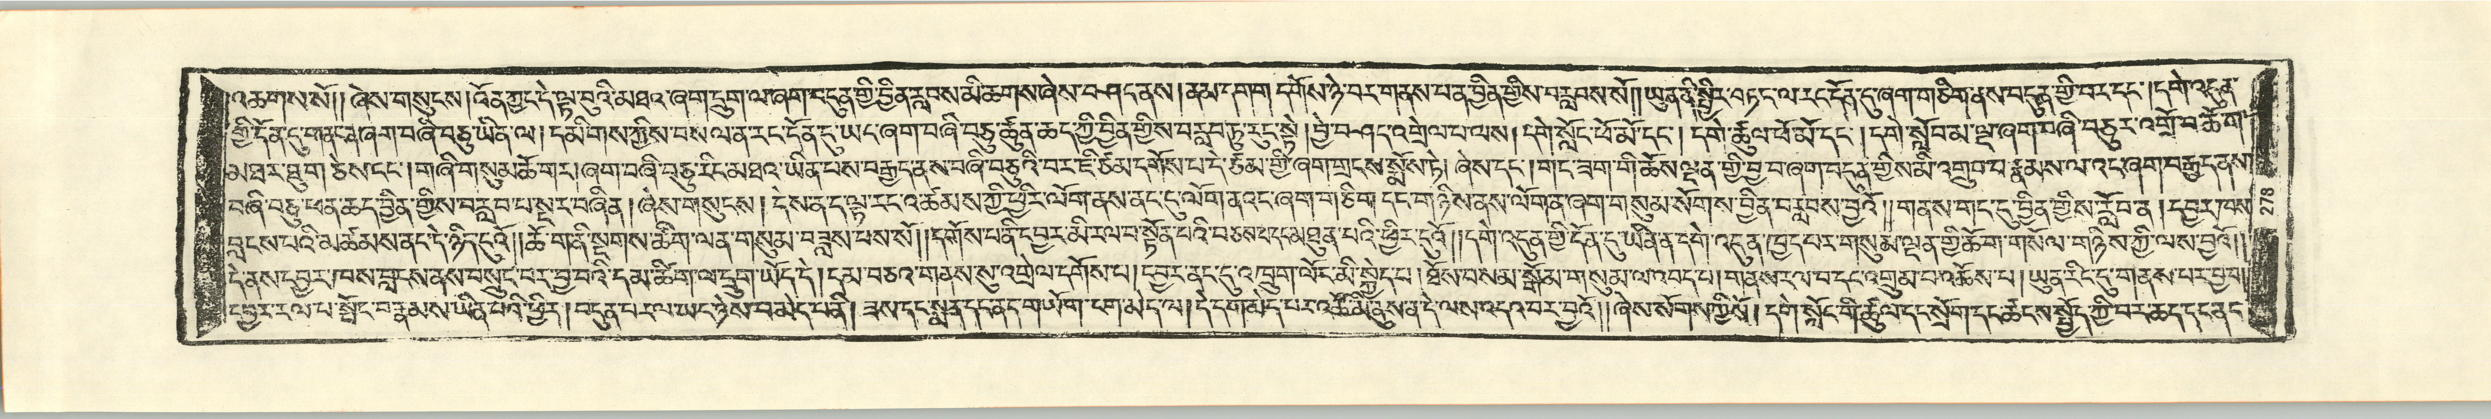འཆགས་སོ། །ཞེས་གསུངས། འོན་ཀྱང་དེ་ལྟ་བུའི་མཐའ་ཞག་དྲུག་ལ་ཞག་བདུན་གྱི་བྱིན་རླབས་མི་ཆགས་ཞེས་བཤད་ནས། ནམ་དགག་དགོས་ཉེ་བར་གནས་པ་ན་བྱིན་གྱིས་བརླབས་སོ། །ཡུན་ནི་སྤྱིར་བཏང་ལ་རང་དོན་དུ་ཞག་གཅིག་ནས་བདུན་གྱི་བར་དང་། དགེ་འདུན་
གྱི་དོན་དུ་གནང་ན་ཞག་བཞི་བཅུ་ཡིན་ལ། དམིགས་ཀྱིས་བསལ་ན་རང་དོན་དུ་ཡང་ཞག་བཞི་བཅུ་ཚུན་ཆད་ཀྱི་བྱིན་གྱིས་བརླབ་དགེ་འདུན་གྱི་དོན་དུ་གནང་ན་ཞག་བཞི་བཅུ་ཡིན་ལ། དམིགས་ཀྱིས་དགེ་ཚུལ་ཕོ་མོ་དང་། དགེ་སློབ་མ་ལྔ་ཞག་བཞི་བཅུར་འགྲོ་བ་ཆོ་ག་
མཐར་ཐུག་ཅེས་དང་། གཞི་གསུམ་ཆོ་གར། ཞག་བཞི་བཅུ་རིང་མཐའ་ཡིན་པས་བརྒྱད་ནས་བཞི་བཅུའི་བར་ཇི་ཙམ་དགོས་པ་དེ་ཙམ་གྱི་ཞག་གྲངས་སྨོས་ཏེ། ཞེས་དང་། གང་ཟག་གི་ཆོས་ལྡན་གྱི་བྱ་བ་ཞག་བདུན་གྱིས་མི་འགྲུབ་པ་རྣམས་ལ་འང་ཞག་བརྒྱད་ནས་
བཞི་བཅུ་ཕན་ཆད་བྱིན་གྱིས་བརླབ་པ་སྔར་བཞིན། ཞེས་གསུངས། དེས་ན་ད་ལྟ་རང་འཚམས་ཀྱི་ཕྱིར་ལོག་ནས་ནང་དུ་ལོག་ནའང་ཞག་གཅིག་དང་གཉིས་ནས་ལོག་ན་ཞག་གསུམ་སོགས་བྱིན་བརླབས་བྱའོ། །གནས་གང་དུ་བྱིན་གྱིས་རློབ་ན། དབྱར་ཁས་
བླངས་པའི་མཚམས་ནང་དེ་ཉིད་དུའོ། །ཆོ་ག་ནི་སྔགས་ཚིག་ལན་གསུམ་བཟླས་པས་སོ། །དགོས་པ་ནི་དབྱར་མི་རལ་བ་སྟོན་པའི་བཅས་པ་དང་མཐུན་པའི་ཕྱིར་དུའོ། །དགེ་འདུན་གྱི་དོན་དུ་ཡིན་ན་དགེ་འདུན་ཁྱད་པར་གསུམ་ལྡན་གྱི་ཆོ་ག་གསོལ་གཉིས་ཀྱི་ལས་བྱའོ། །
དེ་ནས་དབྱར་ཁས་བླངས་ནས་བསྲུང་བར་བྱ་བའི་དམ་ཚིག་ལ་དྲུག་ཡོད་དེ། དམ་བཅའ་གནས་སུ་འགྲེལ་དགོས་པ། དབྱར་ནང་དུ་འཁྲུག་ལོང་མི་སྐྱེད་པ། ཐོས་བསམ་སྒོམ་གསུམ་ལ་འབད་པ། གནས་རལ་བ་དང་འགྲུམ་པ་འཆོས་པ། ཡུན་རིང་དུ་གནས་པར་བྱ་བ།
དབྱར་རལ་པ་སྤོང་བ་རྣམས་ཡིན་པའི་ཕྱིར། བདུན་པར་ལ་ཡང་ཉེས་བ་མེད་པ་ནི། ཟས་དང་སྨན་དང་ནད་གཡོག་ངག་མེད་ལ། དེ་དག་མེད་པར་འཚོ་མི་ནུས་ན་དེ་ལས་འདའ་བར་བྱའོ། །ཞེས་སོགས་ཀྱི་སོ། དགེ་སློང་གི་ཚུལ་དང་སྲོག་དང་ཚངས་སྤྱོད་ཀྱི་བར་ཆད་དང་ནང་